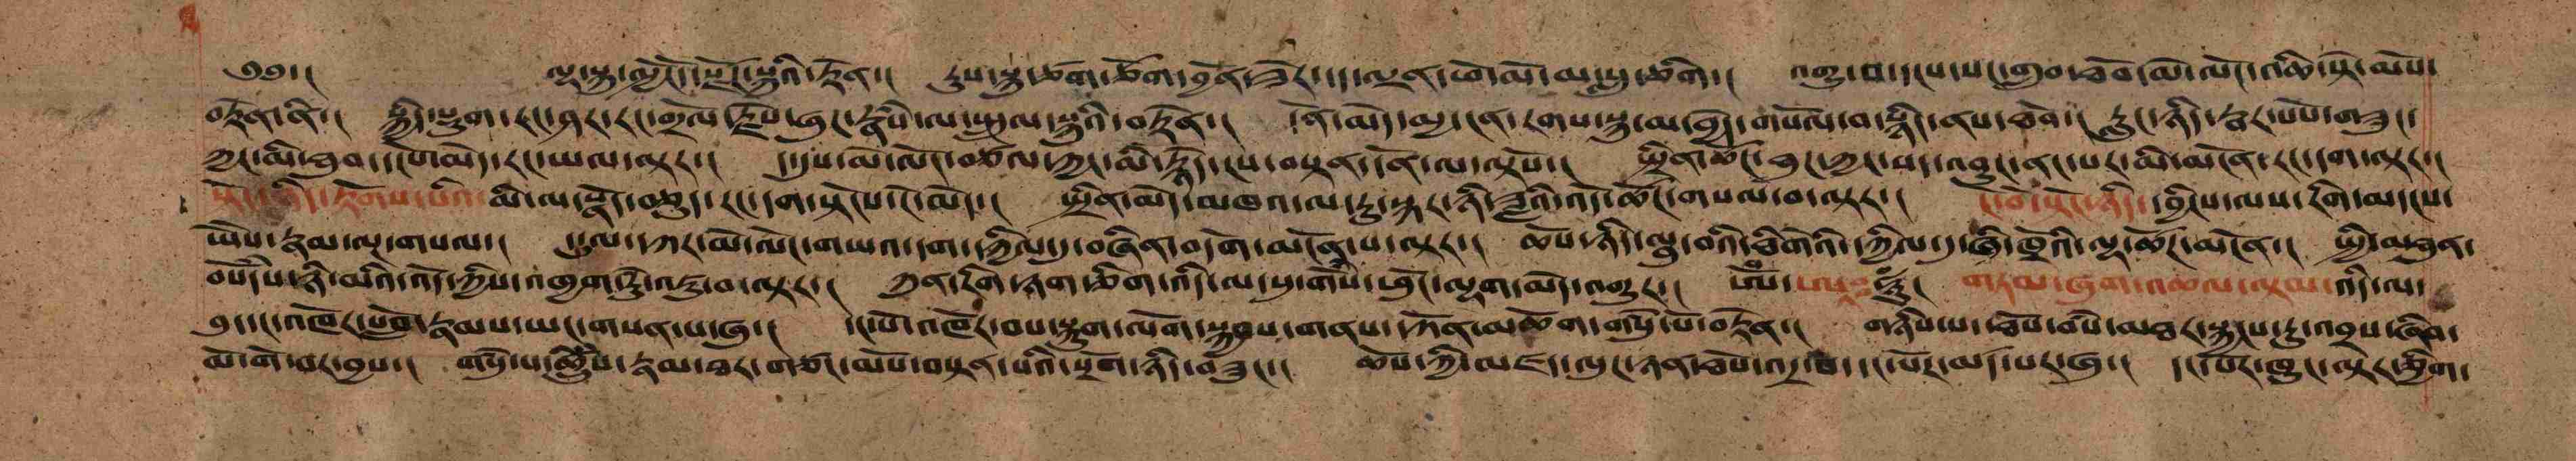༄༅། ལྷ་སྐུ་ལོང་སྤྱོད་རྫོཊ་སྐུའི་རྟེན། རུས་སྐུ་ཙག་ཙེག་བྱོན་ཟེར་དད་ལྡན་ཕོ་མོ་མ་སྲུ་ཅིག་། འགྱུ་བ་དངས་སང་གྲུབ་ཐོབ་མེ་ལོང་འཆི་སྟེ་མོས་
བརྟེན་ནི། སྐྱིད་སྡུག་རང་ཤར་རང་གྲོལ་རྗེས་ཞུགས་རྣམས་ལ་སྤྲུལ་སྐུའི་བརྟེན། དོན་མེད་མྱ་ངན་རགས་སྐུ་མ་བྱེད་གསོལ་བ་སྙིང་ནས་ཐོབ། རླུང་ཉིད་རྦར་པོས་གཟུང་
ཀྱང་མི་ཐུབ་དངོས་མེད་རང་ཡལ་ལྟར། ད་དུས་མེ་ལོང་བཙལ་ཀྱང་མི་སྙེད་ངས་བསྟན་དོན་ལ་ལྟོས། སྤྲིན་ཚོགས་ཐུགས་ཀྱང་པད་འབྱུང་ནང་པར་མི་མངོན་རང་དག་ལྟར། 
སྟོང་ཉིད་རྟོགས་པའི་མི་ལ་སྣོད་བཅུད་རང་དག་སྟོངས་ངེ་མེད། སྤྲིན་མེད་མཁའ་ལ་དྱུ་སྐར་ཉི་ཟླའི་འོད་ཚོང་གསལ་བ་ལྟར། ངོ་བོ་སྟོང་ཉིད་དབྱིངས་ལས་རིག་མདངས་
ཡེ་ཤེས་རྣམ་ལྔ་གསལ། དངུལ་དཀར་མེ་ལོང་གཡའ་དག་དཀྱིལ་དུ་བཞིན་བདོག་མངོན་པ་ལྟར། ཆོས་ཉིད་སྦུ་བའི་ཐིག་ལེའི་དཀྱིལ་དུ་ཞི་ཁྲོའི་ལྷ་ཚོགས་མངོན། སྤྱི་མཐུན་
བསོད་ནམས་ཉི་མའི་འོད་ཀྱིས་འཁྱག་རུམ་འཇུ་བ་ལྟར་། ཀུན་རིག་ཉག་ཅིག་འདི་ལ་སུ་གོས་ཕུང་པོ་ལྷག་མེད་འགྱུར། ཨོཾ་ཨཱཿ ཧཱུཾ། གཏམ་ཞུག་འཆལ་ལྟམ་འདི་ལ་
བུ་དང་འཁོར་སློབ་རྣམས་ཡང་གསན་པ་ཞུ། དང་པོ་འཁོར་བས་སྐྱུག་ལོག་སྐྱབས་གནས་དཀོན་མཆོག་གསུམ་པོ་བརྟེན། གཉིས་པ་ཐོས་བསམ་མཐར་སྐྱངས་དྱུ་འབྲས་ཞིབ་
མོ་གོ་བར་བྱས། གསུམ་པ་ཚུལ་ཁྲིམས་རྣམ་ཐར་གཙང་མོས་བསྟན་པའི་སྲོག་ཉིད་བཟུང་། ཆོས་ཀྱི་མཛད་ལུང་ཉན་ཐོས་འདྲ་བ་དང་པོར་མཛད་པར་ཞུ། དང་པོར་ཁྱུང་ལྟར་གཅིག་